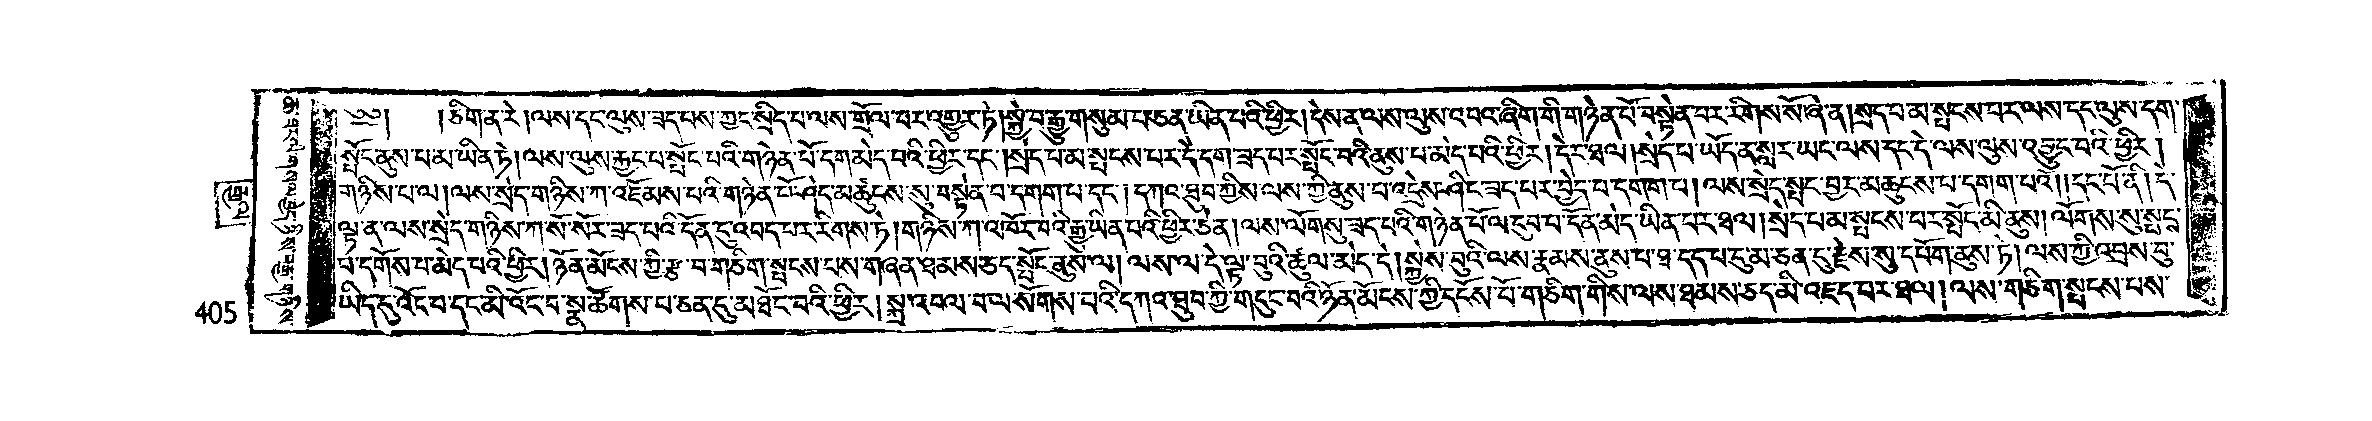༄༅། །ཅིག་ན་རེ། ལས་དང་ལུས་ཟད་པས་ཀྱང་སྲེད་པ་ལས་གྲོལ་བར་འགྱུར་ཏེ། སྐྱེ་བ་རྒྱུ་གསུམ་པ་ཅན་ཡིན་པའི་ཕྱིར། དེས་ན་ལས་ལུས་འབའ་ཞིག་གི་གཉེན་པོ་བསྟེན་པར་རིགས་སོ་ཞེ་ན། སྲད་པ་མ་སྤངས་པར་ལས་དང་ལུས་དག་
སྤོང་ནུས་པ་མ་ཡིན་ཏེ། ལས་ལུས་རྐྱང་པ་སྤོང་པའི་གཉེན་པོ་དག་མེད་པའི་ཕྱིར་དང་། སྲེད་པ་མ་སྤངས་པར་དེ་དག་ཟད་པར་སྤོང་བའི་ནུས་པ་མེད་པའི་ཕྱིར། དེར་ཐལ། སྲེད་པ་ཡོད་ན་སླར་ཡང་ལས་དང་དེ་ལས་ལུས་འབྱུང་བའི་ཕྱིར།
གཉིས་པ་ལ། ལས་སྲེད་གཉིས་ཀ་འཇོམས་པའི་གཉེན་པོ་ཤེད་མཚུངས་སུ་བསྟེན་པ་དགག་པ་དང་། དཀའ་ཐུབ་ཀྱིས་ལས་ཀྱི་ནུས་པ་འདྲེས་ཤིང་ཟད་པར་བྱེད་པ་དགག་པ། ལས་སྲེད་སྤང་བྱར་མཚུངས་པ་དགག་པའོ། །དང་པོ་ནི། དེ་
ལྟ་ན་ལས་སྲེད་གཉིས་ཀ་སོ་སོར་ཟད་པའི་དོན་དུ་འབད་པར་རིགས་ཏེ། གཉིས་ཀ་འཁོར་བའི་རྒྱུ་ཡིན་པའི་ཕྱིར་ཅེ་ན། ལས་ལོགས་སུ་ཟད་པའི་གཉེན་པོ་ལ་དུབ་པ་དོན་མེད་ཡིན་པར་ཐལ། སྲེད་པ་མ་སྤངས་པར་སྤོང་མི་ནུས། ལོགས་སུ་སྤངས་
པ་དགོས་པ་མེད་པའི་ཕྱིར། ཉོན་མོངས་ཀྱི་རྩ་བ་གཅིག་སྤངས་པས་གཞན་ཐམས་ཅད་སྤོང་ནུས་ལ། ལས་ལ་དེ་ལྟ་བུའི་ཚུལ་མེད་དེ། སྐྱེས་བུའི་ལས་རྣམས་ནུས་པ་ཐ་དད་པ་དུ་མ་ཅན་དུ་རྗེས་སུ་དཔོག་ནུས་ཏེ། ལས་ཀྱི་འབྲས་བུ་
ཡིད་དུ་འོང་བ་དང་མི་འོང་བ་སྣ་ཚོགས་པ་ཅན་དུ་མཐོང་བའི་ཕྱིར། སྐྲ་འབལ་བ་ལ་སོགས་པའི་དཀའ་ཐུབ་ཀྱི་གདུང་བའི་ཉོན་མོངས་ཀྱི་དངོས་པོ་གཅིག་གིས་ལས་ཐམས་ཅད་མི་འཇད་པར་ཐལ། ལས་གཅིག་སྤངས་པས་